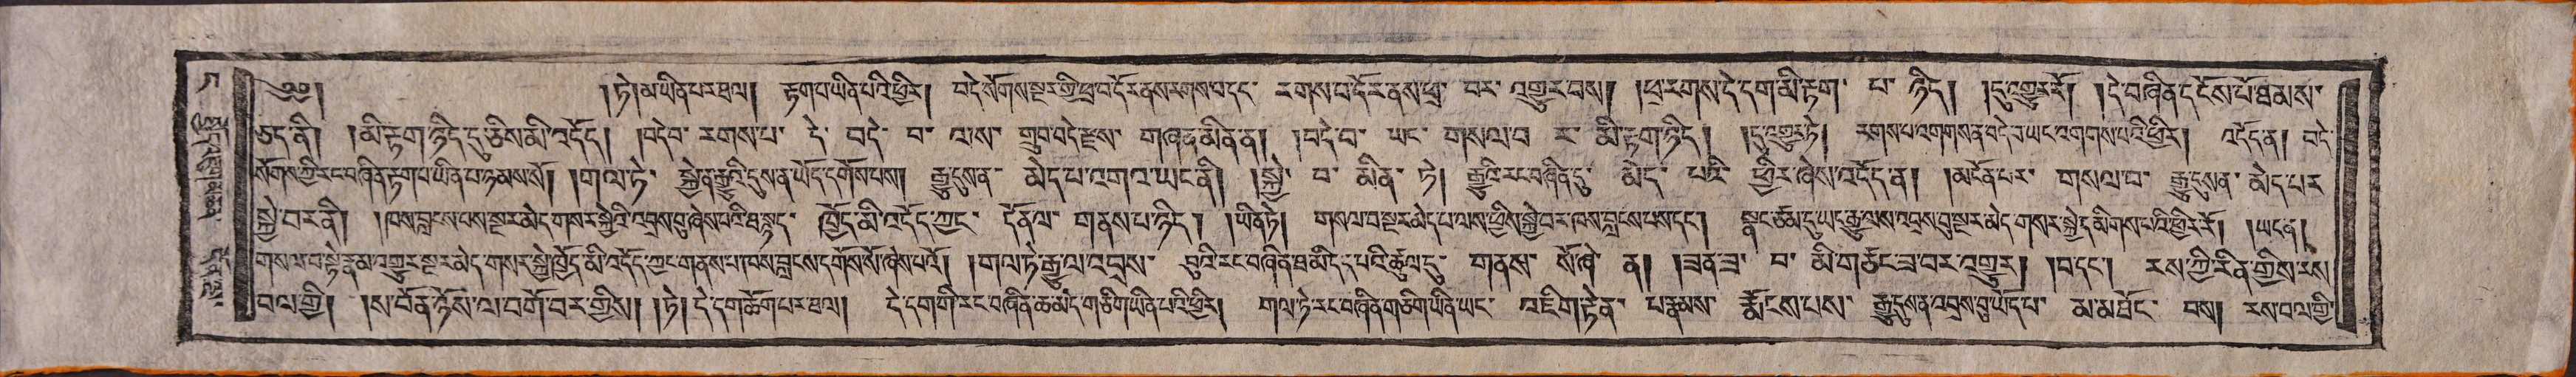༄༅། །ཏེ༑ མ་ཡིན་པར་ཐལ། རྟག་པ་ཡིན་པའི་ཕྱིར། བདེ་སོགས་སྔར་གྱི་ཕྲ་བ་དོར་ནས་ངགས་པ་དང་རགས་པ་དོར་ནས་ཕྲ་བར་འགྱུར་བས། །ཕྲ་རགས་དེ་དག་མི་རྟག་པ་ཉིད། །དུ་འགྱུར་རོ།  །དེ་བཞིན་དངོས་པོ་ཐམས་
ཅད་ནི། །མི་རྟག་ཉིད་དུ་ཅིས་མི་འདོད། །བདེ་བ་རགས་པ་དེ་བདེ་བ་ལས་གྲུབ་བདེ་རྫས་གཞན་མིན་ན། །བདེ་བ་ཡང་གསལ་བར་མི་རྟག་ཉིད། །དུ་འགྱུར་ཏེ། རགས་པ་འགགས་ན་བདེ་བ་ཡང་འགགས་པའི་ཕྱིར། འདོད་ན། བདེ་
སོགས་ཀྱི་རང་བཞིན་རྟག་པ་ཡིན་པ་ཉམས་སོ། །གལ་ཏེ་སྐྱེ་ན་རྒྱུའི་དུས་ན་ཡོད་དགོས་པས། རྒྱུ་དུས་ན་མེད་པ་འགའ་ཡང་ནི། །སྐྱེ་བ་མིན་ཏེ།  རྒྱུའི་རང་བཞིན་དུ་མེད་པའི་ཕྱིར་ཞེས་འདོད་ན། །མངོན་པར་གསལ་བ་རྒྱུ་དུས་ན་མེད་པར་
སྐྱེ་བར་ནི། །ཁས་བླངས་པས་སྔར་མེད་གསར་སྐྱེའི་འབྲས་བུ་ཞེས་པའི་ཐ་སྙད་ཁྱོད་མི་འདོད་ཀྱང་དོན་ལ་གནས་པ་ཉིད། །ཡིན་ཏེ། གསལ་བ་སྔར་མེད་པ་ལས་ཕྱིས་སྐྱེ་བར་ཁས་བླངས་པས་དང་། སྣང་ཙམ་དུ་ཡང་རྒྱུ་ལས་འབྲས་བུ་སྔར་མེད་གསར་སྐྱེ་དམིགས་པའི་ཕྱིར་རོ། །ཡང་ན།
གསལ་བ་སྟེ་རྣམ་འགྱུར་སྔར་མེད་གསར་སྐྱེ་ཁྱོད་མི་འདོད་ཀྱང་གནས་པ་ཁས་བླངས་དགོས་སོ་ཞེས་པའོ། །གལ་ཏེ་རྒྱུ་ལ་འབྲས་བུའི་རང་བཞིན་ཐ་མི་དད་པའི་ཚུལ་དུ་གནས་སོ་ཞེ་ན། །ཟན་ཟ་བ་མི་གཙང་ཟ་བར་འགྱུར། །བ་དང་རས་ཀྱི་རིན་གྱིས་རས་
བལ་གྱི། །ས་བོན་ཉོས་ལ་བགོ་བར་གྱིས། །ཏེ། དེ་དག་ཆོག་པར་ཐལ། དེ་དག་གི་རང་བཞིན་ཆ་མེད་གཅིག་ཡིན་པའི་ཕྱིར། གལ་ཏེ་རང་བཞིན་གཅིག་ཡིན་ཡང་འཇིག་རྟེན་པ་རྣམས་རྨོངས་པས་རྒྱུ་དུས་ན་འབྲས་བུ་ཡོད་པ་མ་མཐོང་བས།  རས་བལ་གྱི་